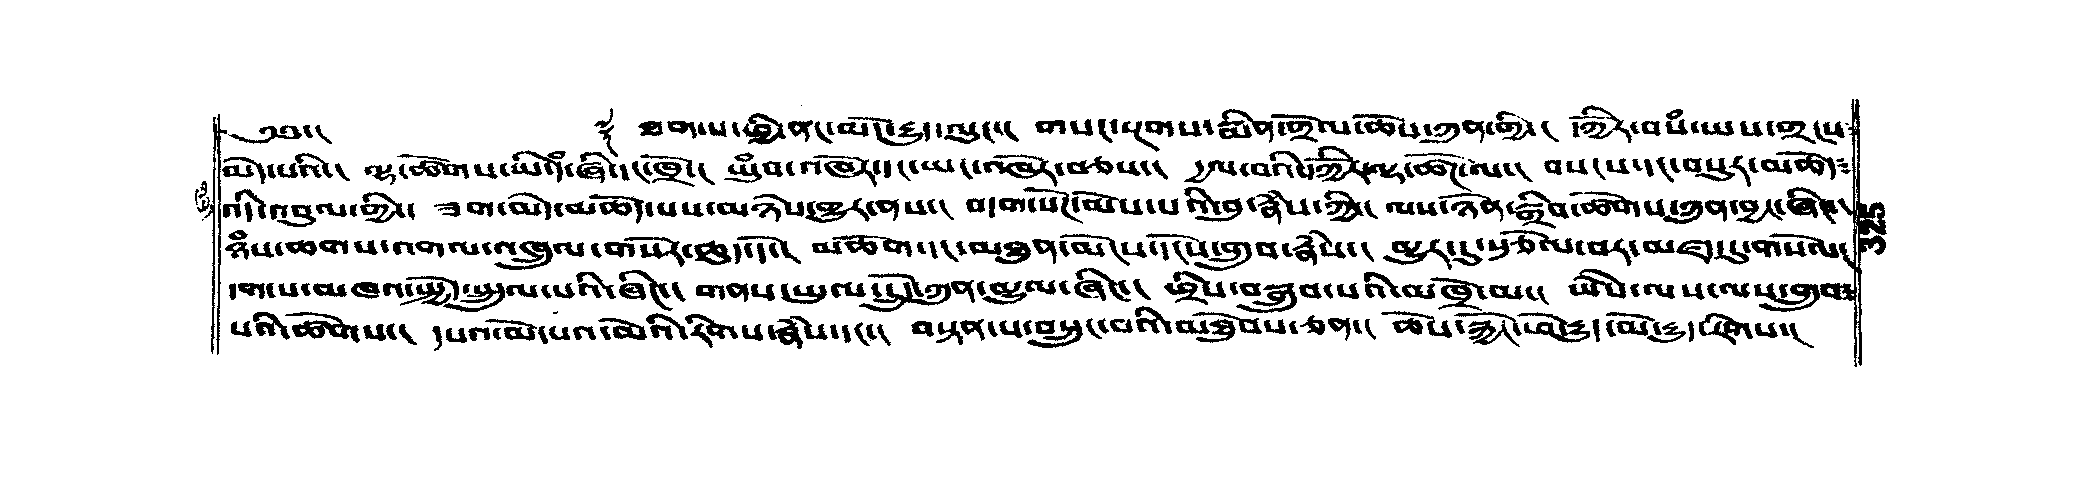༈ ཐག་པ་ཕྱི་ནང་མདོ་རྒྱུད་ལུང་། །གསང་སྔགས་སྨིན་གྲོལ་ཆོས་ཀུན་གྱི། །དཀྱིལ་འཁོར་བསམ་ཡས་གྲངས་
མེད་པའི། །ལྷ་ཚོགས་ཡི་དམ་ཞི་དང་ཁྲོ། །ཡབ་ཡུམ་འཁོར་དང་ཡང་འཁོར་བཅས། །རྒྱལ་བའི་དཀྱིལ་འཁོར་ལྷ་ཚོགས་ལ། །བསངས་དང་བསུར་མཆོད་
འདི་འབུལ་གྱི། །ཟག་མེད་མཆོད་པས་མཉེས་གྱུར་ནས། །བདག་སོགས་མོས་པའི་བུ་རྣམས་ཀྱི། །ལས་ཉོན་སྒྲིབ་ཚོགས་ཀུན་བྱང་ཞིང་། །
ཉམས་ཆགས་འགལ་འཁྲུལ་གསོར་ཆུད་དོ། །མཆོག་དང་ཐུན་མོང་དངོས་གྲུབ་རྣམས། །མྱུར་དུ་སྩོལ་བར་མཛད་དུ་གསོལ། །
དག་པ་མཁའ་སྤྱོད་སྤྲུལ་པའི་ཞིང་། །ཕྲིན་ལས་བསྒྲུབ་པའི་མཁའ་འགྲོ་མ། །ཡེ་ཤེས་ལས་ལས་གྲུབ་
པའི་ཚོགས། །དཔའ་མོ་དཔའ་མོའི་རིགས་རྣམས་དང་། །བསྟན་པ་བསྲུང་བའི་མཐུ་སྟོབས་ཅན། ཆོས་སྐྱོང་ཕོ་རྒྱུད་མོ་རྒྱུད་རིགས། །